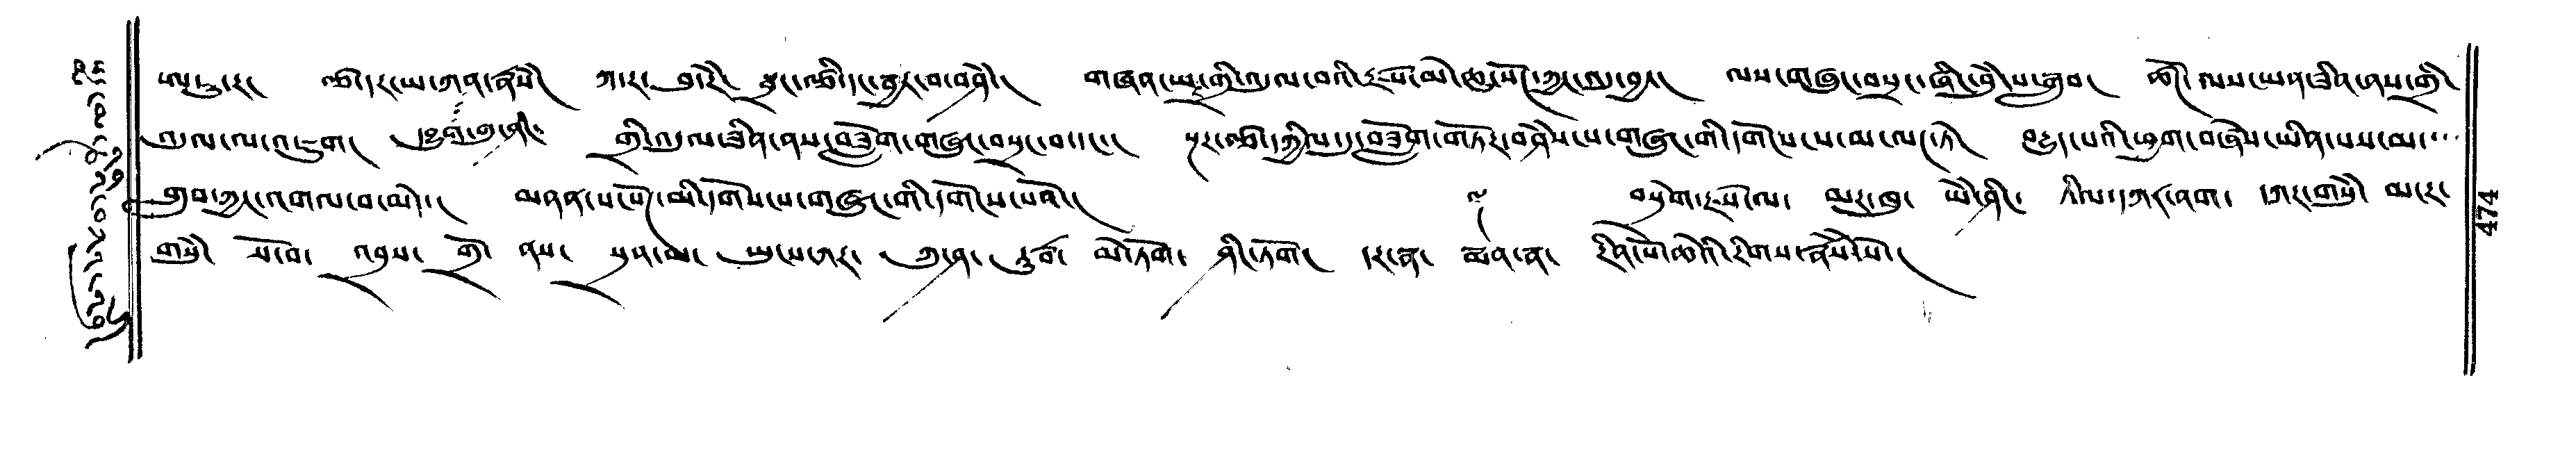ཨ་རུ་ར། རྩ་དར་ཡ་ཀན་ནམ་དབྱུག་གུ་ཤིང་རྣམས། ཀ་ར། བུ་རམ། སྦྲང་རྩི་དང་སྦྱར་བ་བཤམ། གཞན་ཡང་གྲི་འདུལ་བའི་རྫས་མེ་ཆུ་སོགས་ཀྱང་འདུ་བྱ། ལས་གཞུང་བསྲང་ཞིང་བུམ་པ་བསྒྲུབ། ཚོགས་ལས་ཡན་ཟིན་ནས་གྲི་
འདུལ་ལ་འཇུག གྲི་འདུལ་ཟིན་ནས་བཟློག་གཞུང་བསྲང་བ་དང་། སྔར་རྩ་དཀྱིལ་དུ་བཟློག་གཏོར་གཤོམ་པ་གཞུང་གི་དགོངས་པ་མ་ལགས་ཏེ། བརྒྱུད་པའི་ཕྱག་བཞེས་ཡིན་པས་མ་
གྲུབ་ཀྱང་འགལ་བ་མེད། མནན་པ་སོགས་མི་དགོས་པ་གཞུང་གི་དགོངས་པའོ།། སྲེག་རྫས་ལ། མར་ཁུ། ཡམ་ཤིང་། ཏིལ་དཀར་ནག དཀར་གསུམ། མངར་
གསུམ།སོ་བ། འབྲས། གྲོ། ནས། སྲན་མ། ཡུངས་དཀར། ཀུ་ཤ། དཱུརྦ། མེ་ཏོག དར་སྣ། སྨན་སྣ། རིན་པོ་ཆེའི་རིགས་རྣམས་སོ།། དགེའོ།།